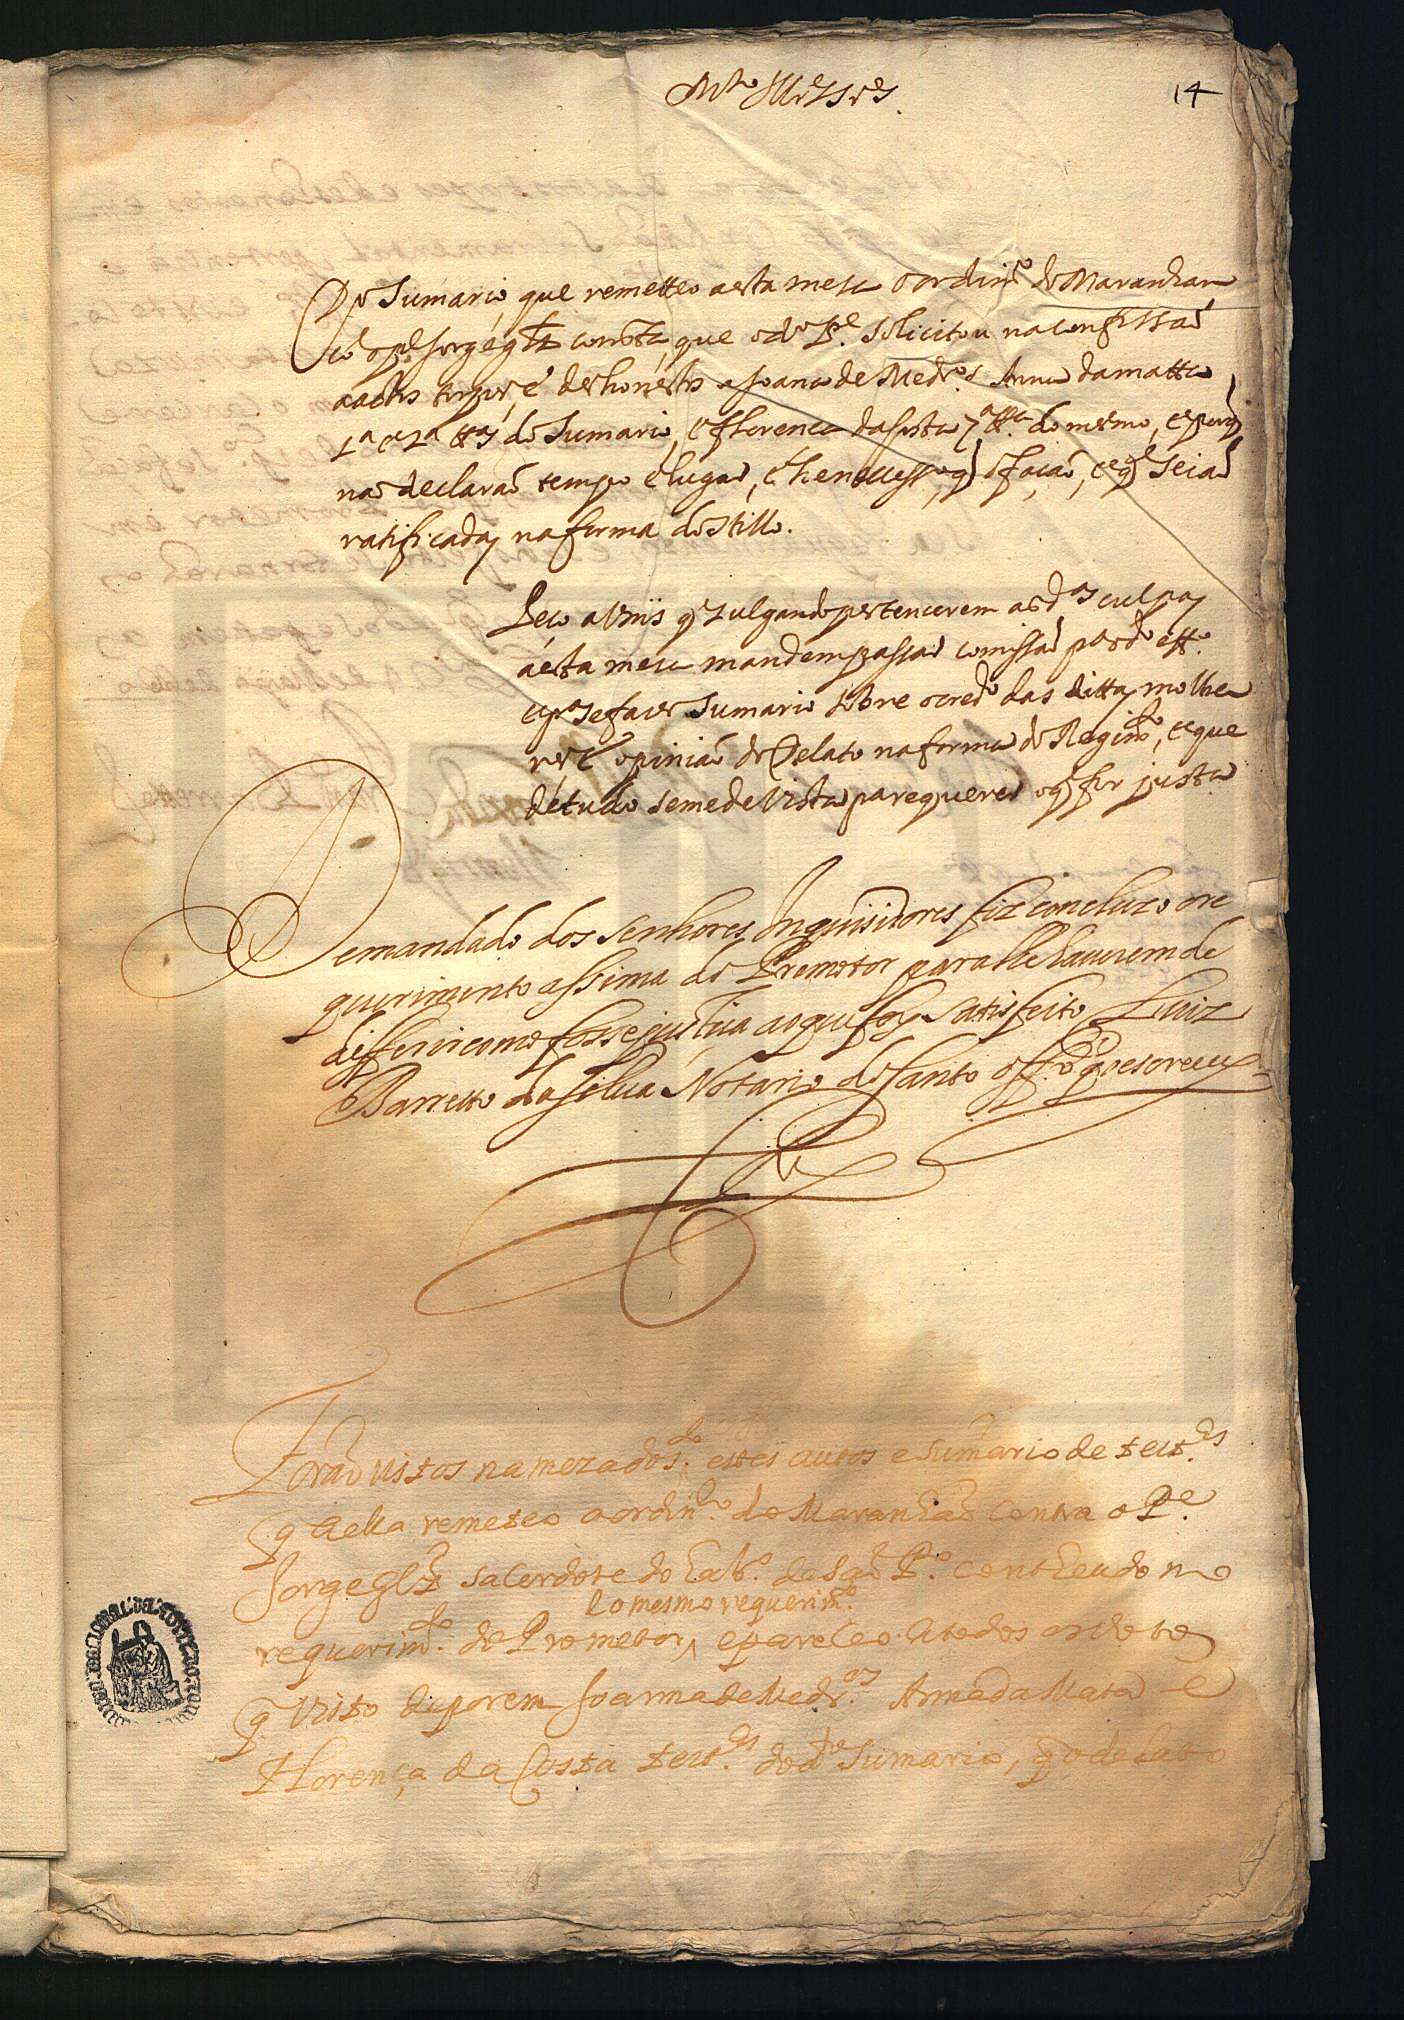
Mto Illres Sres
Do Sumario, que remetteo a esta mesa o ordinro do Maranham
cō o p.e Jorge gl̄z consta, que o d.o P.e solicitou na confissaõ
a actos torpes, e deshonestos a Joana de Medr.os Anna da matta
1a e 2a tt.as do Sumario, e florença da Costa 7a tt.a do mesmo, e porq̄
naõ declaraõ tempo e lugar, e he neccesso, q̄ façaõ, e q̄ seiaõ
ratificadas na forma do stillo.
Peço a v ms̄ q̄ julgando pertencerem as das culpas
a esta meza mandem passar comissaõ pa o do eff.o
e pa se fazer Sumario sobre o credo das dittas molhe
res e opiniaõ do Delato na forma do Regimto, e que
de tudo se me de vista pa requerer o q̄ for justa
De mandado dos Senhores Inquisidores fiz concluzo o re
querimento assima do Promotor para lhe hauerem de
differir como fosse justiça ao que foy satisfeito, Luiz
Barretto da Silua Notario do Santo offo q̄ o escreuy
Clo
Foraõ uistos na meza do s.to estes autos e sumario de test.as
q̄ a ella remeteo o ordinro do Maranhaõ contra o P.e
Jorge glz̄ sacerdote do hab.o de Saõ P.o contheudo no
requerim.to do Prometor
e o mesmo requerimto
e pareceo a todos os votos
q̄ visto deporem Joanna de Medr.os Anna da Mata e
Florença da Costa test.as do d̄o Sumario, q̄ o delato
